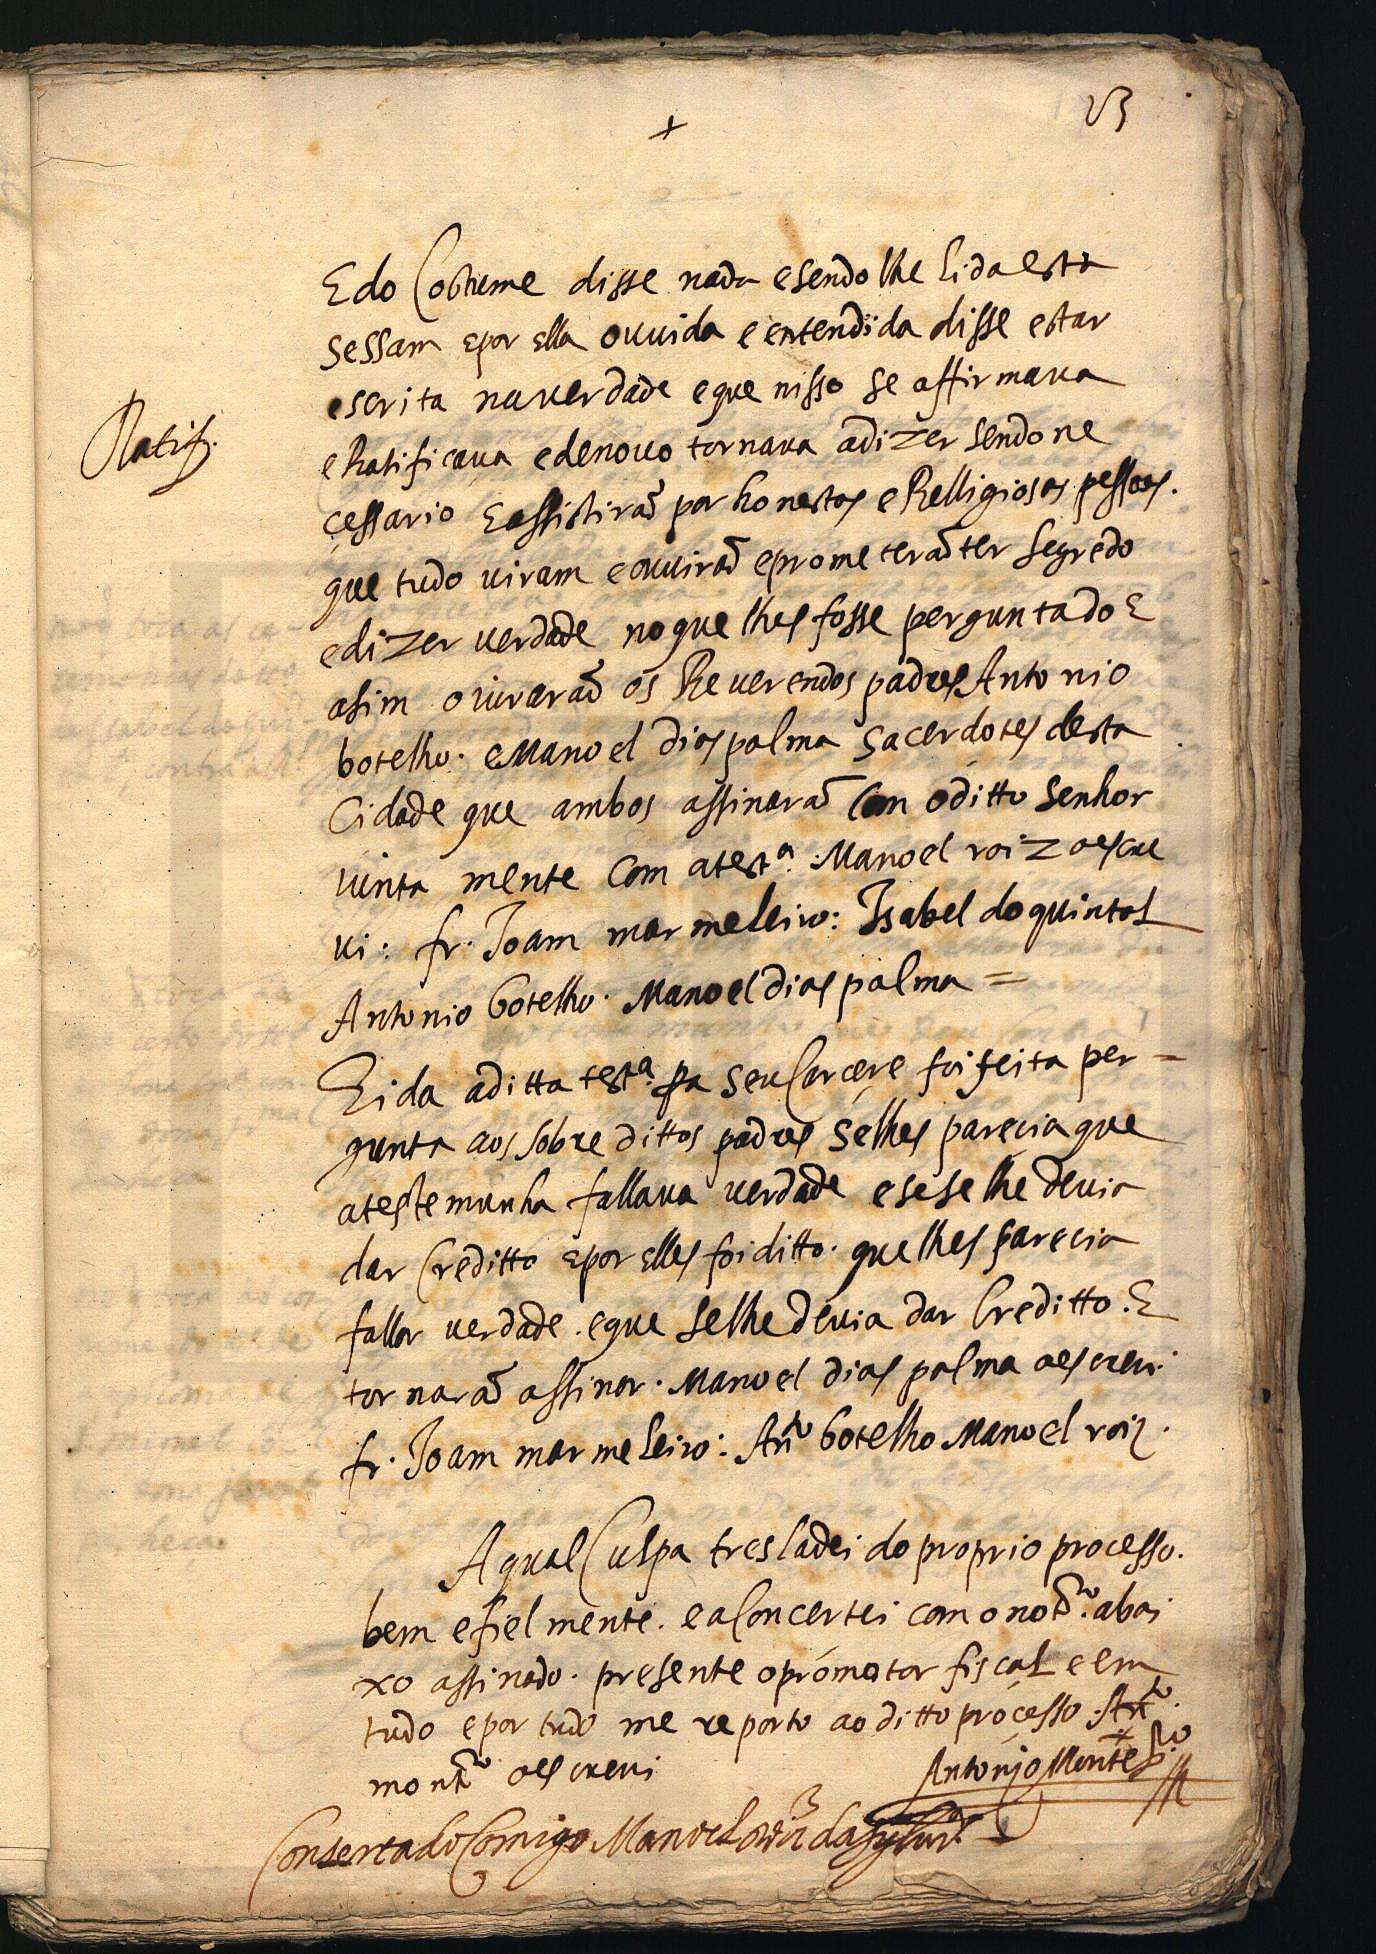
Ratif.
13
E do Costume disse nada e sendo lhe lida esta
sessam E por Ella ouuida e entendida disse estar
escrita na uerdade e que nisso se affirmaua
e Ratificaua e de nouo tornaua a dizer sendo ne
cessario E assistiraõ por honestas e Relligiosas pessoas.
que tudo uiram e ouuirão e prometeraõ ter segredo
e dizer uerdade no que lhes fosse perguntado E
asim o iuraraõ os Reuerendos padres Antonio
botelho. e Manoel dias palma sacerdotes desta
Cidade que ambos assinaraõ com o ditto Senhor
iuntamente com a testa. Manoel roiz o escre
ui: fr. Ioam marmeleiro: Isabel do quintaL
Antonio botelho. Manoel dias palma =
E ida a ditta testa. ꝑa seu Carcere foi feita per
gunta aos sobredittos padres se lhes parecia que
a testemunha fallaua uerdade e se se lhe deuia
dar Creditto E por Elles foi ditto. que lhes parecia
fallar uerdade. e que se lhe deuia dar Creditto. E
tornarā assinar. Manoel dias palma o escreui
fr. Ioam marmeleiro: Anto boelho Manoel roiz.
A qual Culpa tresladei do proprio processo.
bem e fielmente. e a Concertei com o not.ro abai
xo assinado. presente o promotor fiscal e em
tudo e por tudo me reporto ao ditto processo. Anto.
montro o escreui
Antonjo Montero.
Consertado Comigo Manoel Roiz̄ da sylur.a
